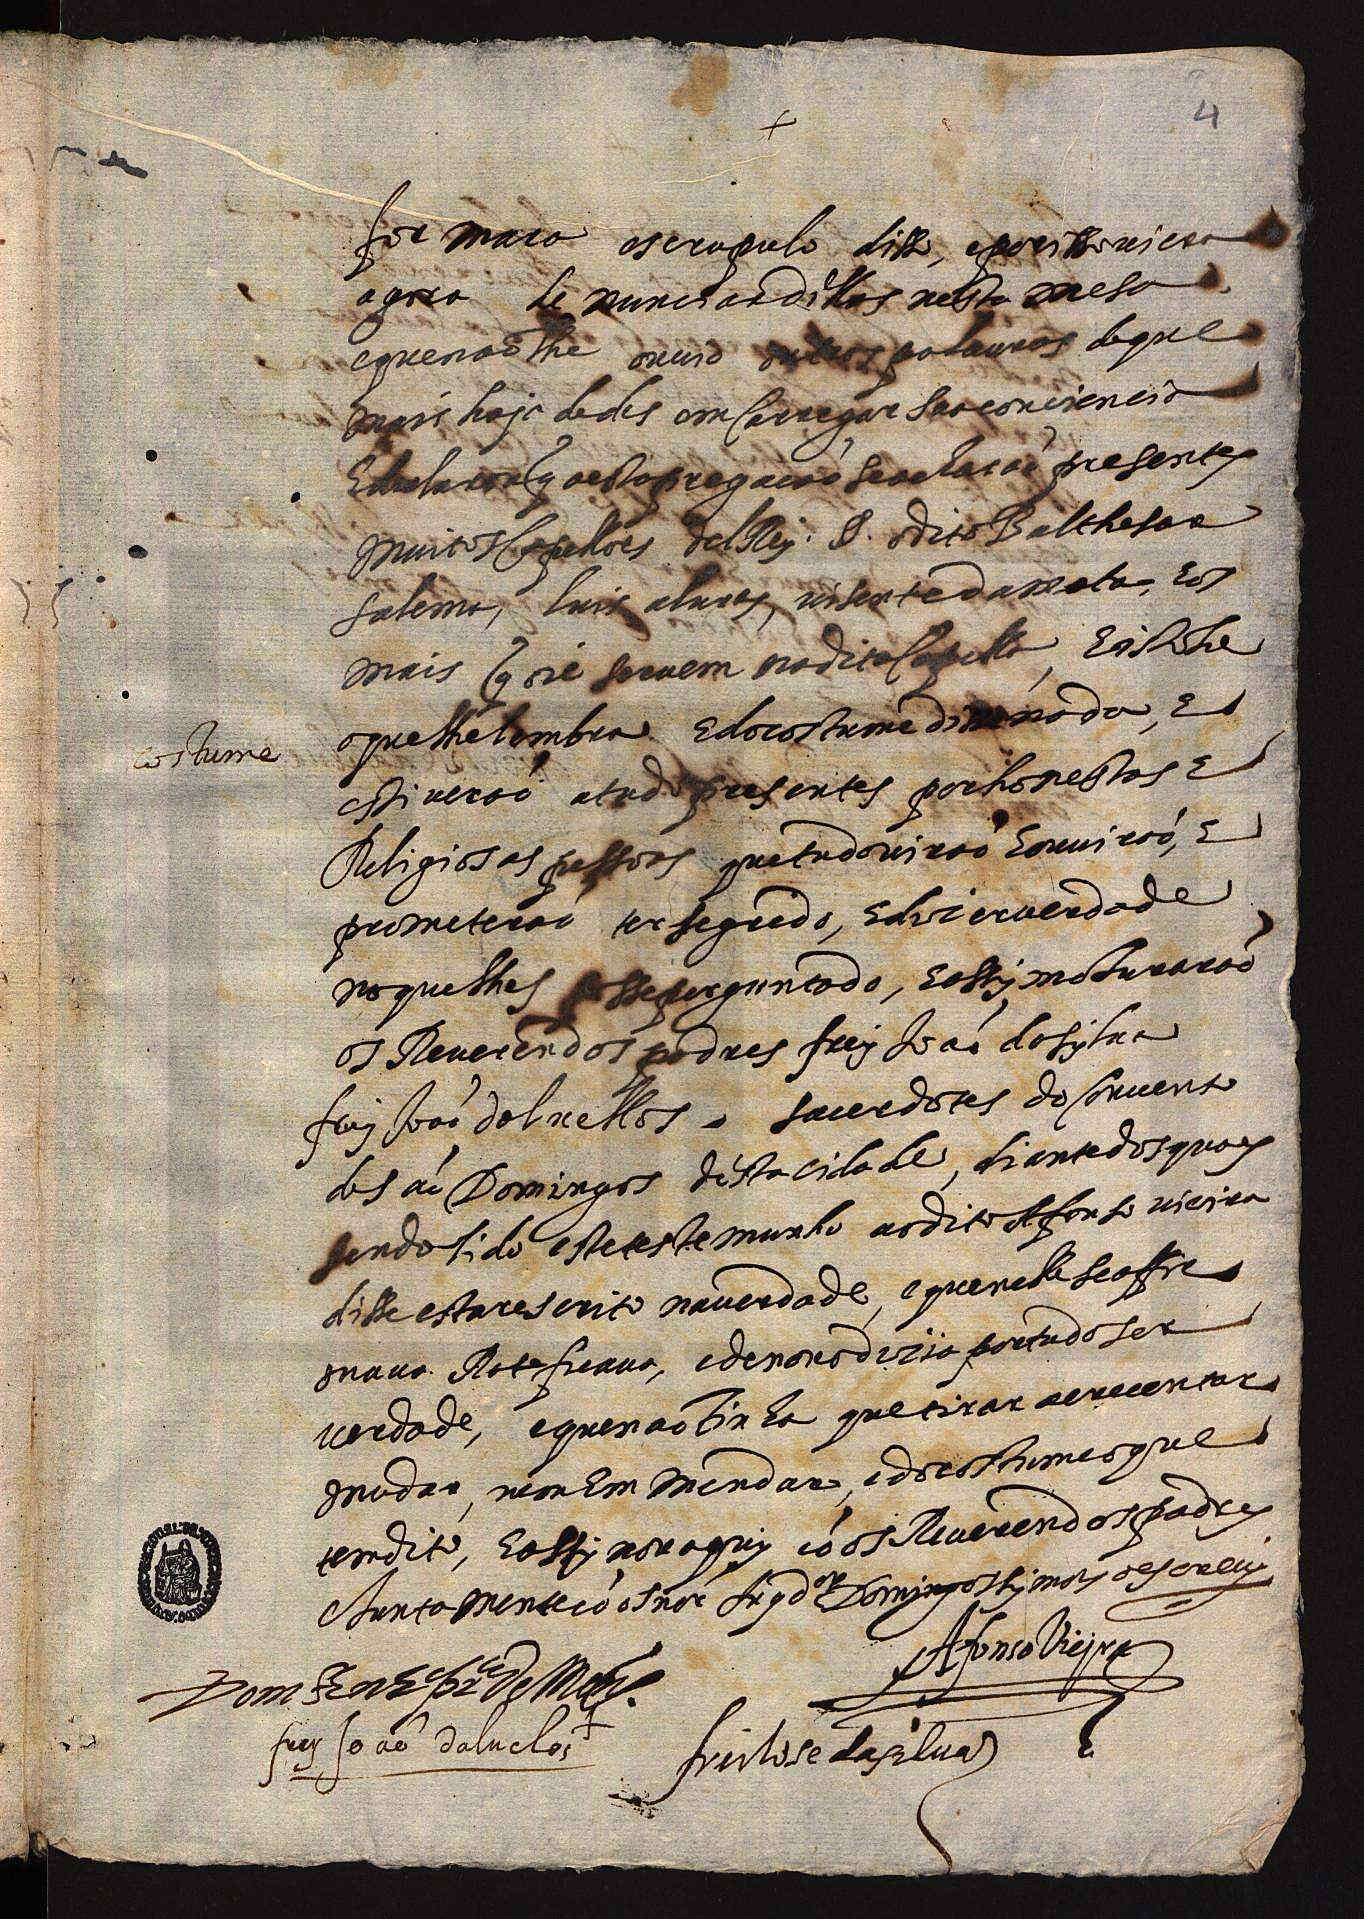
formara escrupulo disso, e por isso uiera
agora denunciar dellas nesta mesa
e que naõ lhe ouuio outras palauras de que
mais haja de desemCarregar sua conciencia
E declarou q̄ a esta pregaçaõ se acharaõ presentes
muitos Capelloẽs del Rey .ss. o dito Balthesar
salema, luis alures, uisente da mata, E os
mais q̄ oie seruem na dita Capella, E isto he
o que lhe lembra E do costume dise nada, E
costume
estiuerão a tudo presentes por honestas E
Religiosas pessoas que tudo uiraõ E ouuiraõ, E
prometerão ter segredo, E dizer uerdade
no que lhes fosse perguntado, E assym o Iuraraõ
os Reuerendos padres frey Joaõ da sylua
frey João daluellos sacerdotes do Conuento
de Saõ Domingos desta cidade, diante dos quaes
sendo lido este testemunho ao dito Afonso uieira
disse estar escrito na uerdade, e que nelle se affir
maua Rateficaua, e de nouo dizia por tudo ser
uerdade, e que naõ tinha que tirar acrecentar
mudar, nem Emmendar, e do costume o que
tem dito, E assynou aquy cō os Reuerendos padres
e Iuntamente cō o snor̄ Jnqdor Domingos symois o escreuj
Dom Anto pra de Men̄s.
frey João daluelos
Afonso Viejra
frei Iose da silua
